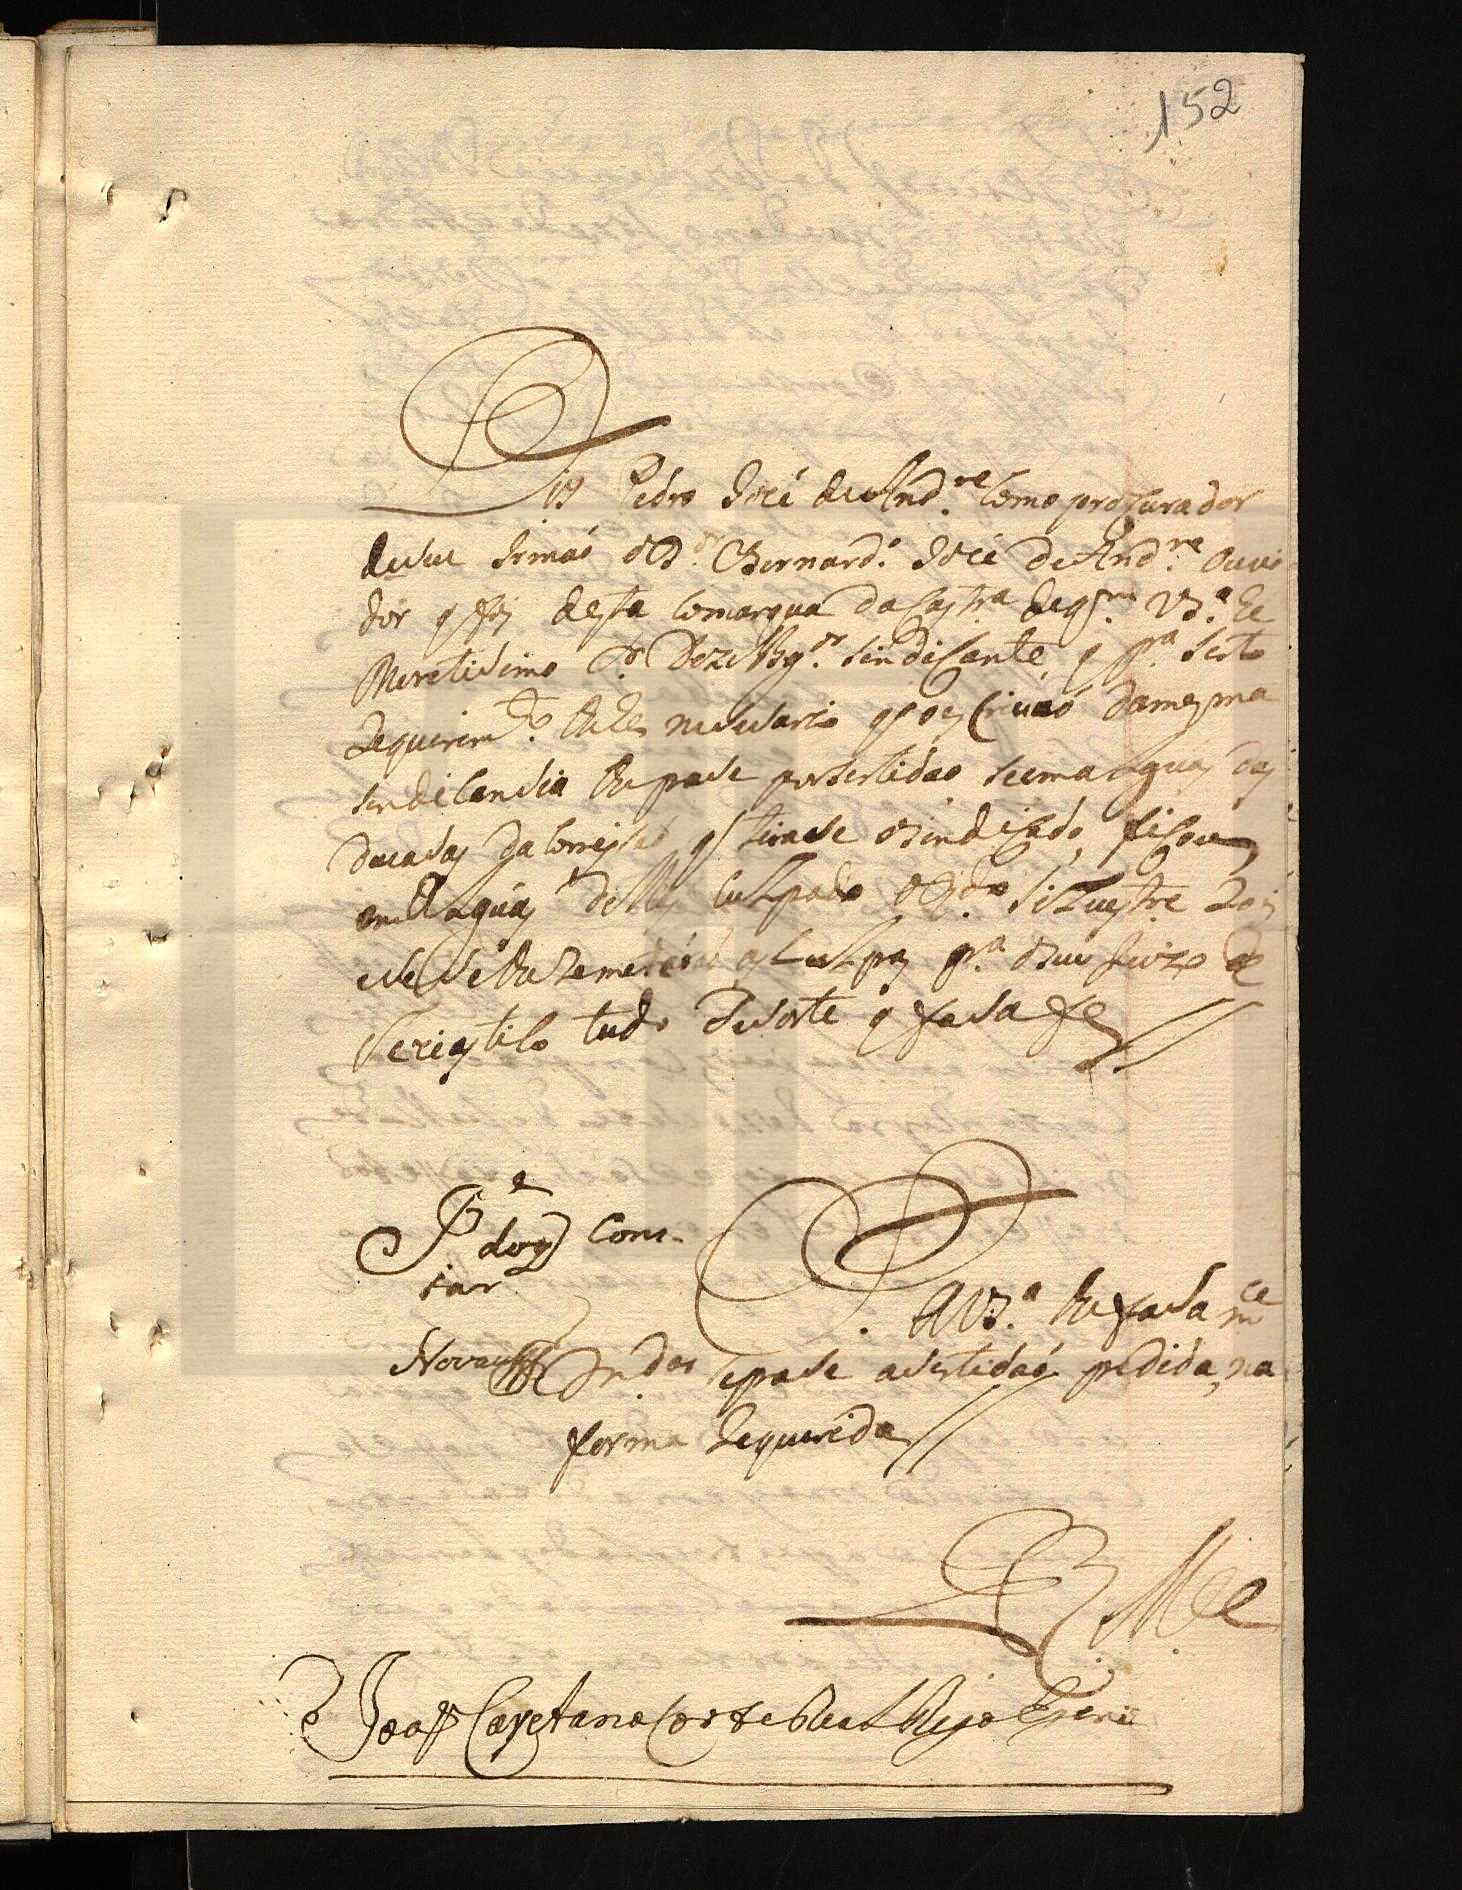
Dis Pedro Iozé de And.re Como proCurador
de seu Irmaõ o D.or Bernard.o Iozé de And.re Ouui
dor q foj desta Comarqua da Castr.a de q.m V s.a he
Meretisimo s.r Dezebg.or sindiCante, q p.ra serto
Requerim.to lhe he nesesario q̄ o esCriuaõ da mesma
sendiCansia lhe pase por sertidao se em alguās das
deuasas da Comessaõ q̄ tirase o sindiCado, fiCou
em Alguās dellas CuLpado o R.do SiLuestre Rois
e se se lhe Remeteraõ as Culpas p.a o seu Juizo Ec
cleziastico tudo de sorte q fasa fe
P.e do q̄ cons
tar
P. a V S.a lhe fasa mce
Novaes
m.dos se pase a sertidaõ pedida, na
forma Requerida
E. R. M.ce
Ioaõ Cayetano Corte Real Rego Escri
